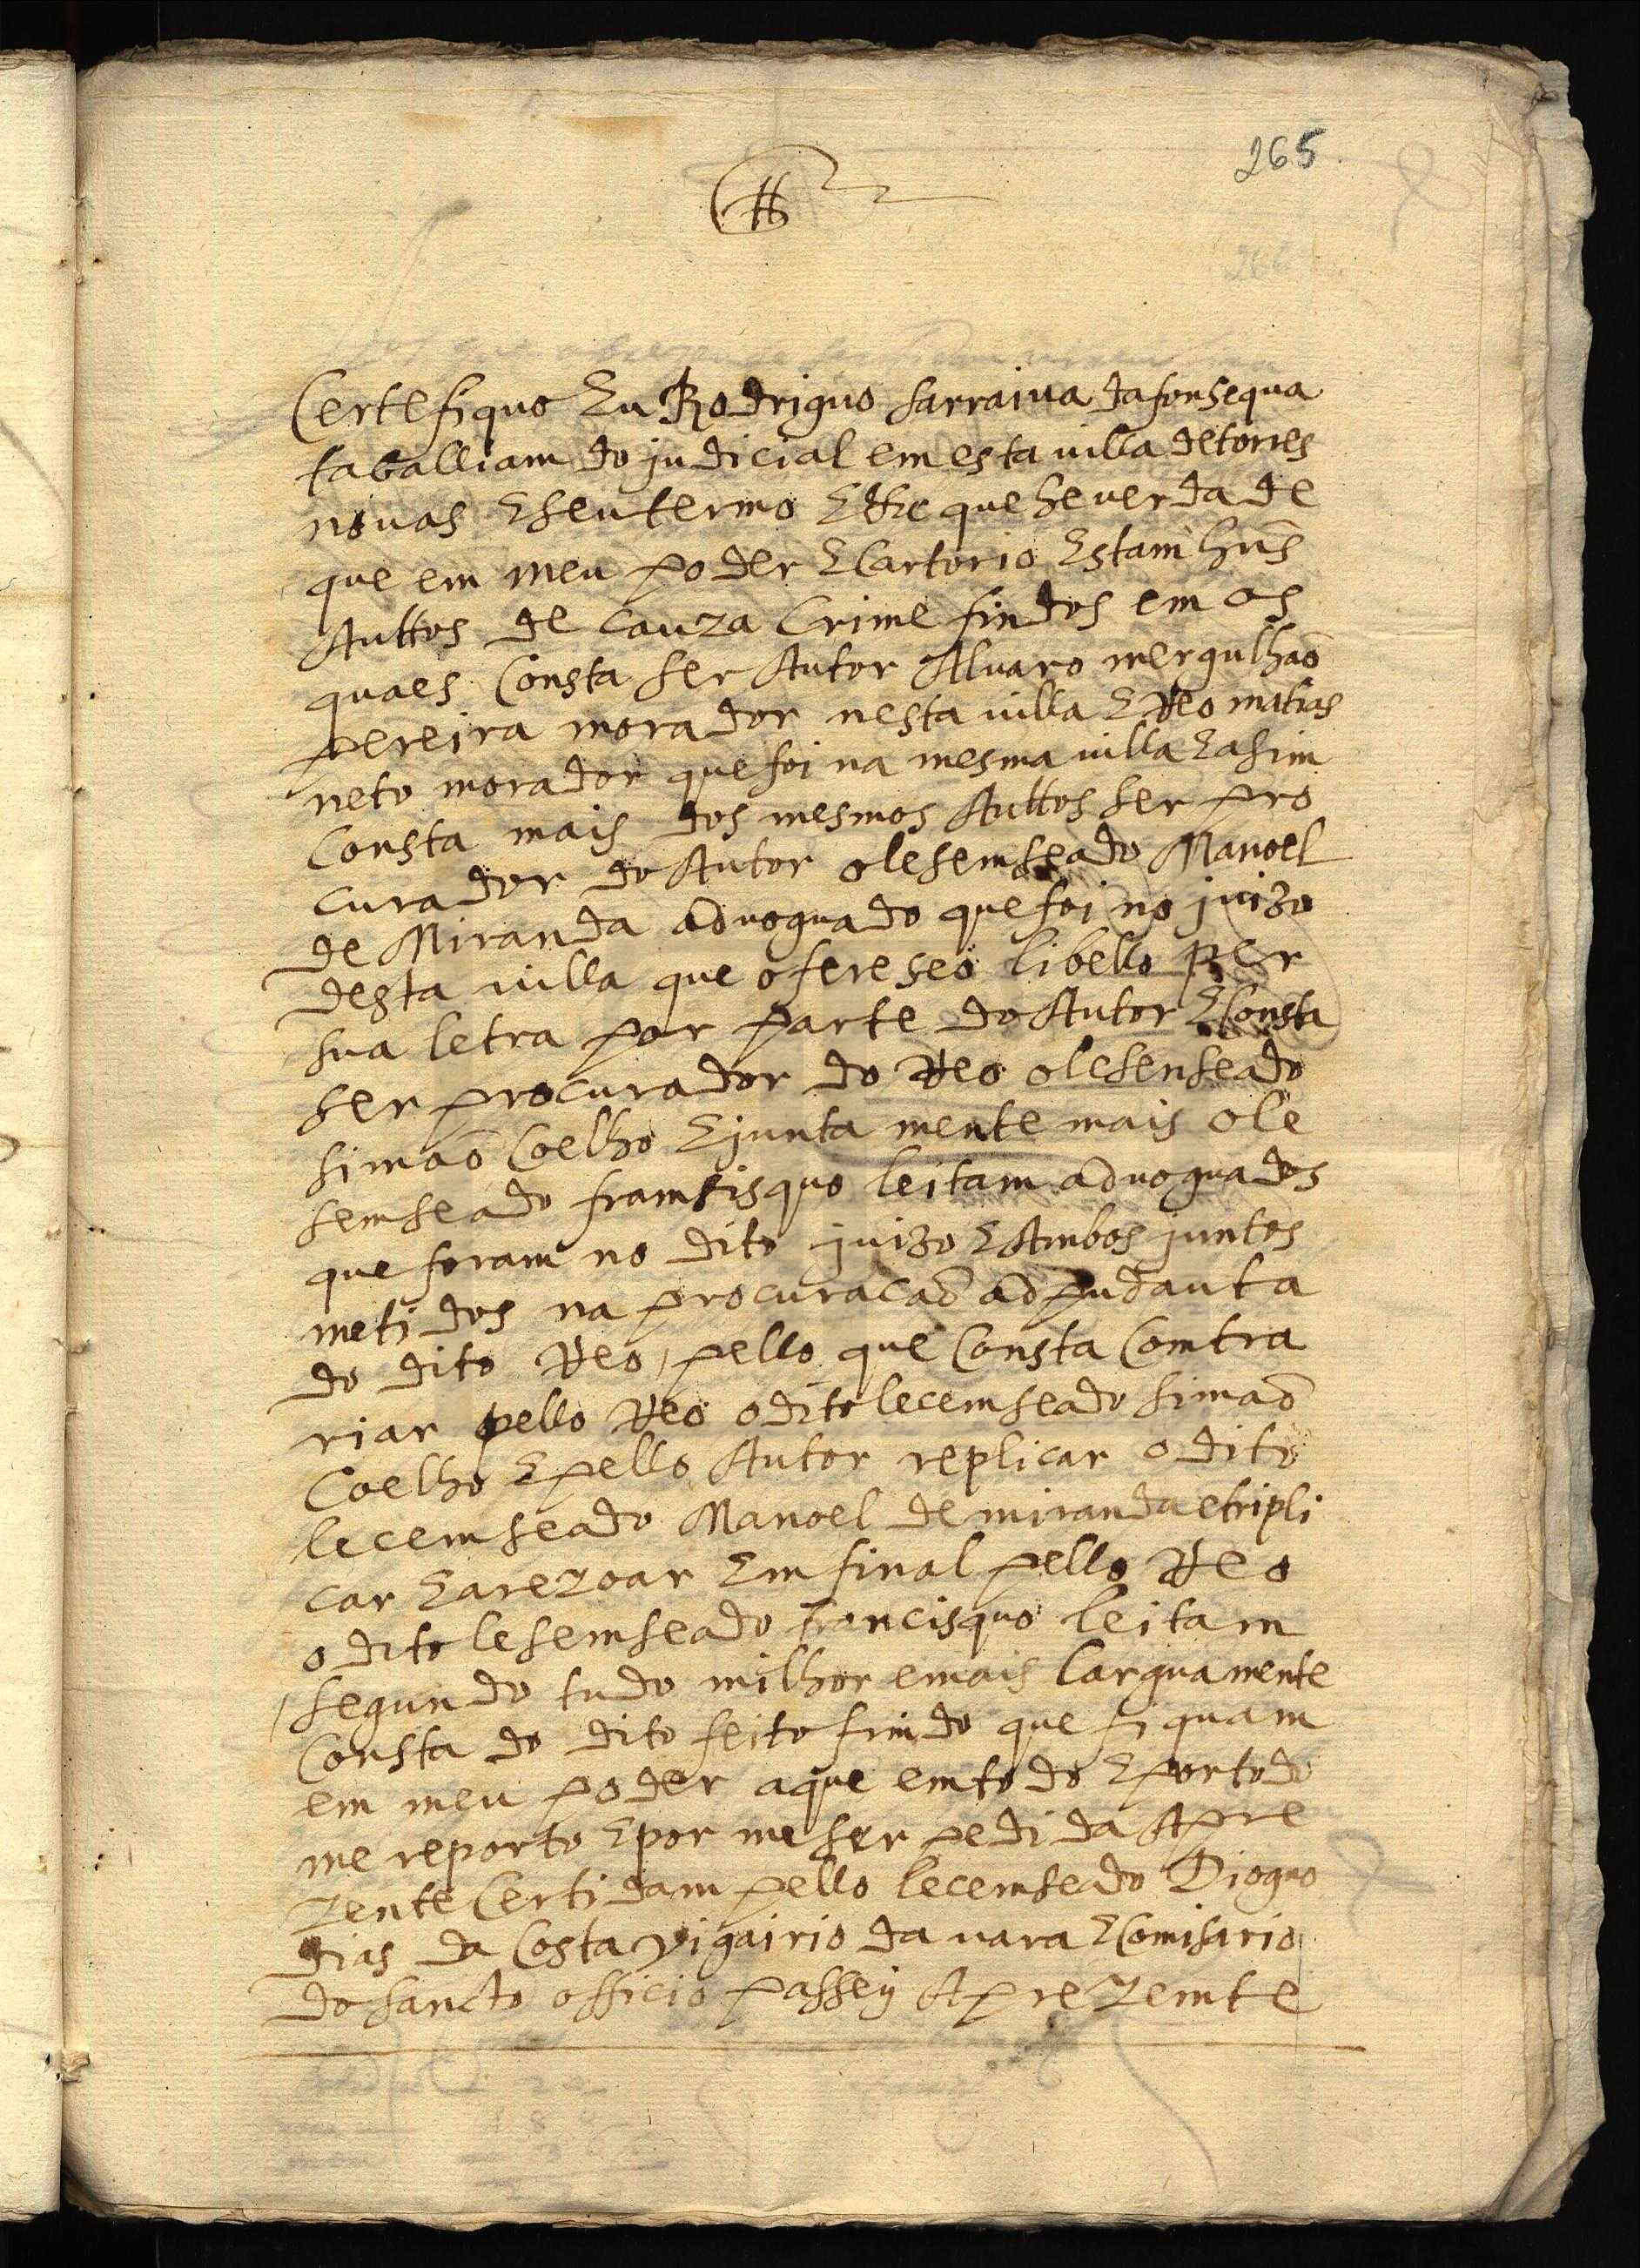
Certefiquo Eu Rodriguo sarraiua da fonsequa
taballiam do judicial em esta uilla de torres
nouas E seu termo E &c que he uerdade
que em meu poder E Cartorio Estam hūs
Auttos de cauza Crime findos em os
quaes Consta ser Autor Aluaro mergulhaõ
pereira morador nesta uilla E Reo matias
neto morador que foi na mesma uilla E asim
Consta mais dos mesmos Auttos ser pro
curador do Autor o lesemseado Manoel
de Miranda aduoguado que foi no juizo
desta uilla que ofereseo libello per
sua letra por parte do Autor E Consta
ser procurador do Reo o lesenseado
simão Coelho E juntamente mais o le
semseado framsisquo leitam aduoguados
que foram no dito juizo E Ambos juntos
metidos na procuraçaõ adpud auta
do dito Reo, pello que Consta Comtra
riar pello Reo o dito lecemseado simaõ
Coelho E pello Autor replicar o dito
lecemseado Manoel de miranda e tripli
car E arezoar Em final pello Reo
o dito lesemseado francisquo leitam
segundo tudo milhor e mais larguamente
Consta do dito feito fimdo que fiquam
em meu poder a que em todo E por todo
me reporto E por me ser pedida A pre
zente Certidam pello lecemseado Dioguo
dias da Costa vigairio da uara E Comisario
do sancto officio passey A prezemte
